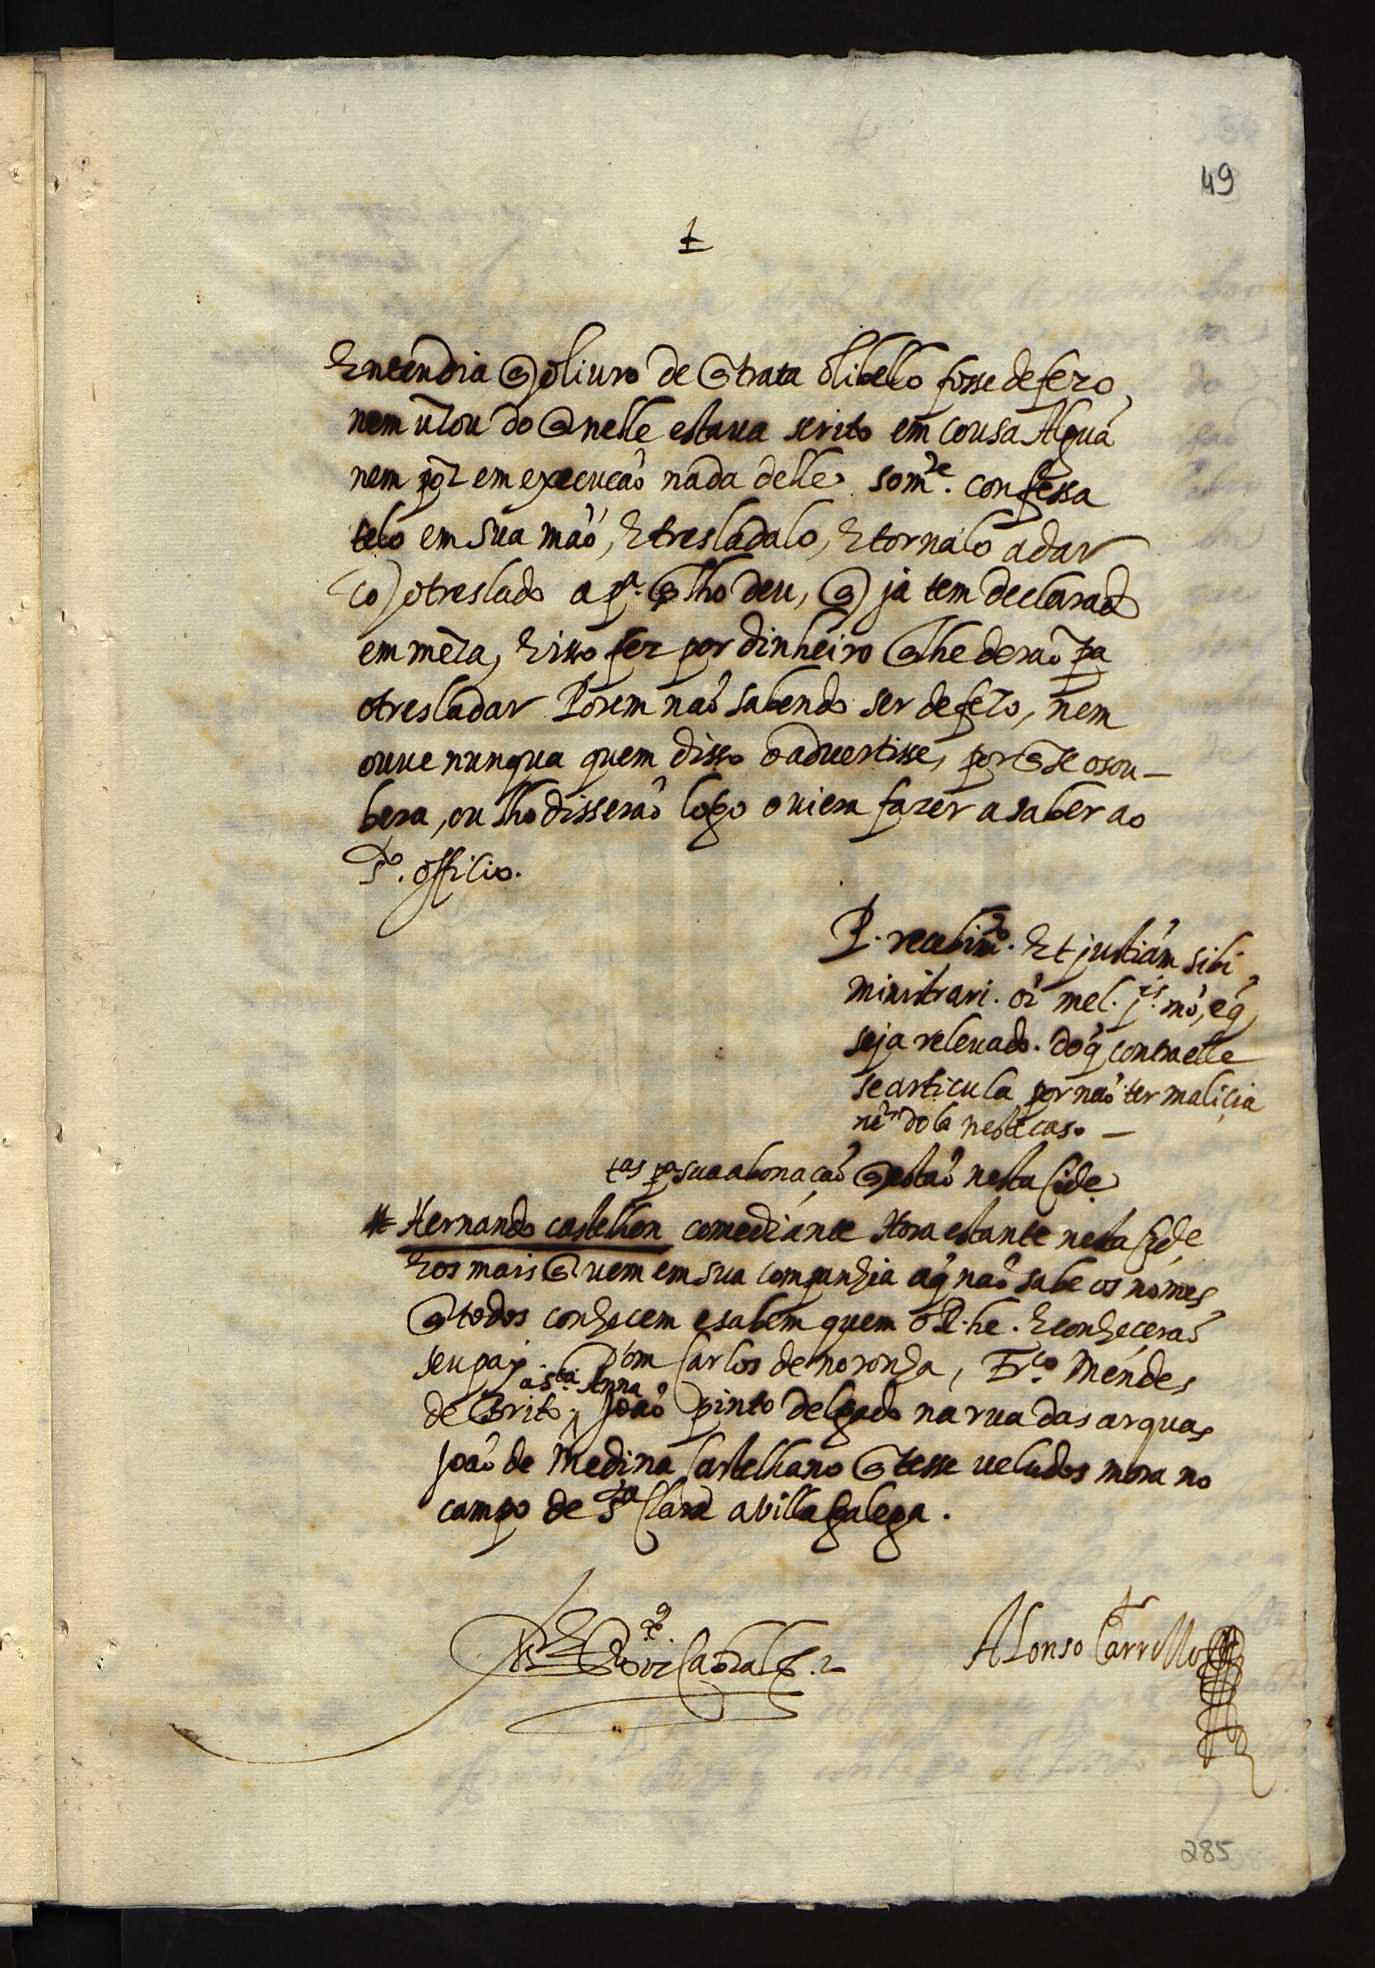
Entendia q̄ o liuro de q̄ trata o libello fosse defezo
nem uzou do q̄ nelle estaua scrito em cousa Alguā
nem poz em execução nada delle somte. confessa
telo em sua maõ, E tresladalo, E tornalo a dar
cō o treslado a p.a q̄ lho deu, q̄ ja tem declarado
em meza, E isso fez por dinheiro q̄ lhe deraõ ꝑa
o tresladar Porem naõ sabendo ser defezo, nem
ouue nunqua quem disso o aduertisse, porq̄ se o sou
bera, ou lho disseraõ logo o uiera fazer a saber ao
sto. officio.
P. recebimto. Et justiām sibi
ministrari. oī mel. jis. mō, e q̄
seja releuado. do q̄ contra elle
se articula por naõ ter malicia
nē dolo neste caso
tas ꝑa sua abonaçaõ q̄ estaõ nesta Cide.
item Hernando castelhon comediante Hora estante nesta Cid.e
E os mais q̄ uem em sua companhia a q̄ não sabe os nomes
q̄ todos conhecem e sabem quem o R. he. E conheceraõ
seu pay Dom Carlos de noronha, Fr.co Mendes
de Brito
a s.ta Anna
Joaõ pinto delgado na rua das arquas
Joaõ de Medina Castelhano q̄ tesse ueludos mora no
campo de sta Clara a villa galega.
ALonso Carrillo
Mel Roiz Cabral.
